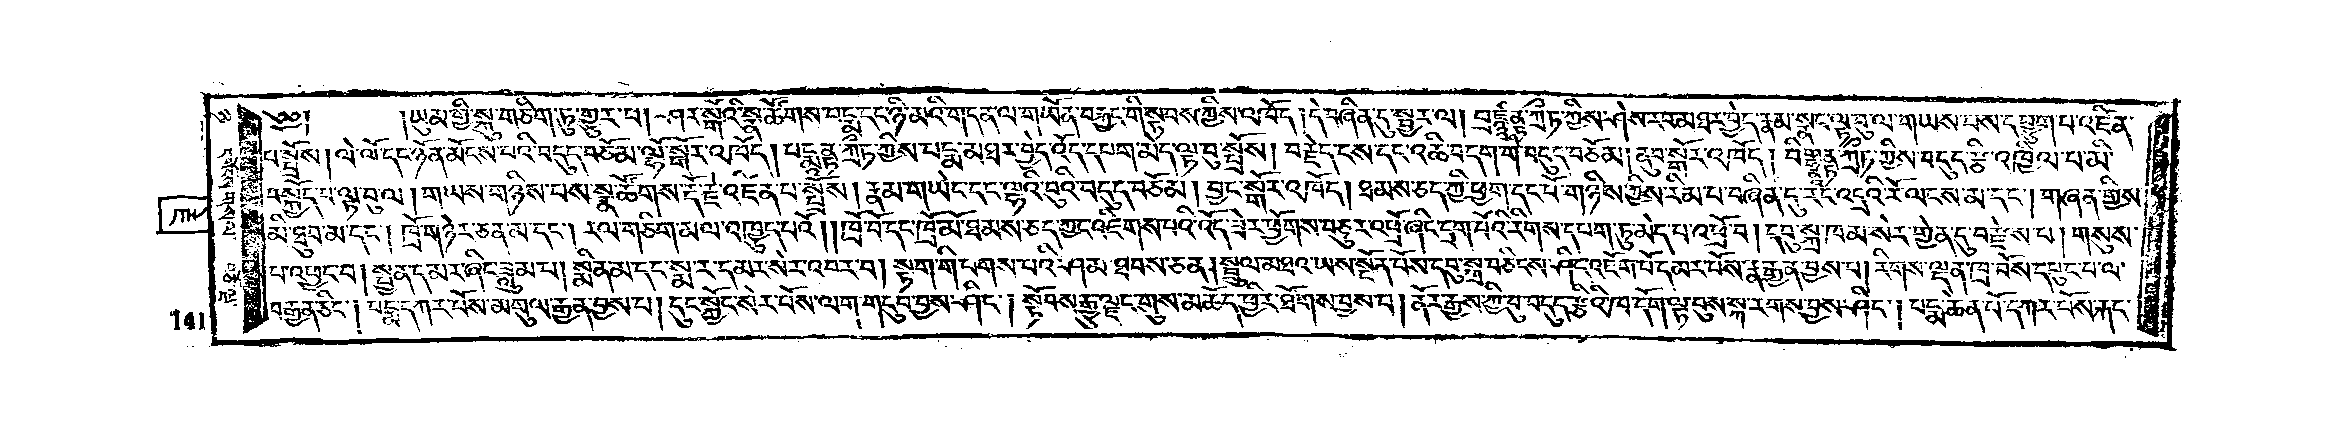༄༅། །ཡུམ་གྱི་སྐུ་གཅིག་ཏུ་གྱུར་པ། ཤར་སྒོའི་སྣ་ཚོགས་པདམ་དང་ཉི་མའི་གདན་ལ་གཡོན་བརྐྱང་གི་སྟབས་ཀྱིས་འཁོད། དེ་བཞིན་དུ་སྦྱར་ལ། པྲ་ཛྙཱ་ནྟ་ཏྲྀཏ་ཀྱིས་ཤེས་རབ་མཐར་བྱེད་རྣམ་སྣང་ལྟ་བུ་ལ་གཡས་པས་དབྱུག་པ་འཛིན་
པ་སྤྲོས། ལེ་ལོ་དང་ཉོན་མོངས་པའི་བདུད་བཅོམ་ལྷོ་སྒོར་འཁོད། པདམཱནྟ་ཀྲྀ་ཏ་ཀྱིས་པདམ་མཐར་བྱེད་འོད་དཔག་མེད་ལྟ་བུ་སྤྲོས། བརྗེད་ངས་དང་འཆི་བདག་གི་བདུད་བཅོམ། ནུབ་སྒོར་འཁོད། བིགྷྣཱནྟ་ཀྲྀ་ཏ་ཀྱིས་བདུད་རྩི་འཁྱིལ་པ་མི་
བསྐྱོད་པ་ལྟ་བུ་ལ། གཡས་གཉིས་པས་སྣ་ཚོགས་རྡོ་རྗེ་འཛིན་པ་སྤྲོས། རྣམ་གཡེང་དང་ལྷའི་བུའི་བདུད་བཅོམ། བྱང་སྒོར་འཁོད། ཐམས་ཅད་ཀྱི་ཕྱག་དང་པོ་གཉིས་ཀྱིས་རིམ་པ་བཞིན་དུ་རང་འདྲའི་རོ་ལངས་མ་དང་། གཞན་གྱིས་
མི་ཐུབ་མ་དང་། ཁྲོ་གཉེར་ཅན་མ་དང་། རལ་གཅིག་མ་ལ་འཁྱུད་པའོ། །ཁྲོ་བོ་དང་ཁྲོ་མོ་ཐམས་ཅད་ཀྱང་འཇིགས་པའི་འོད་ཟེར་ཕྱོགས་བཅུར་འཕྲོ་ཞིང་དྲག་པོའི་རིགས་དཔག་ཏུ་མེད་པ་འཕྲོ་བ། དབུ་སྐྲ་ཁམ་སེར་གྱེན་དུ་བརྫེས་པ། གསུས་
པ་འཕྱང་བ། སྤྱན་དམར་ཞིང་ཟླུམ་པ། སྨིན་མ་དང་སྨ་ར་དམར་སེར་འབར་བ། སྟག་གི་པགས་པའི་ཤམ་ཐབས་ཅན། སྤྲུལ་མཐའ་ཡས་སྔོན་པོས་དབུ་སྐྲ་བཅིངས་ཤིང་འཇོག་པོ་དམར་པོས་རྣ་རྒྱན་བྱས་པ། རིགས་ལྡན་ཁྲ་བོས་དཔུང་པ་ལ་
བརྒྱན་ཅིང་། པདམ་དཀར་པོས་མགུལ་རྒྱན་བྱས་པ། དུང་སྐྱོང་སེར་པོས་ལག་གདུབ་བྱས་ཤིང་། སྟོབས་རྒྱུ་ལྗང་གུས་མཆོད་ཕྱིར་ཐོགས་བྱས་པ། ནོར་རྒྱས་ཀྱི་བུ་བདུད་རྩིའི་ཁ་དོག་ལྟ་བུས་སྐ་རགས་བྱས་ཤིང་། པདམ་ཆེན་པོ་དཀར་པོས་རྐང་